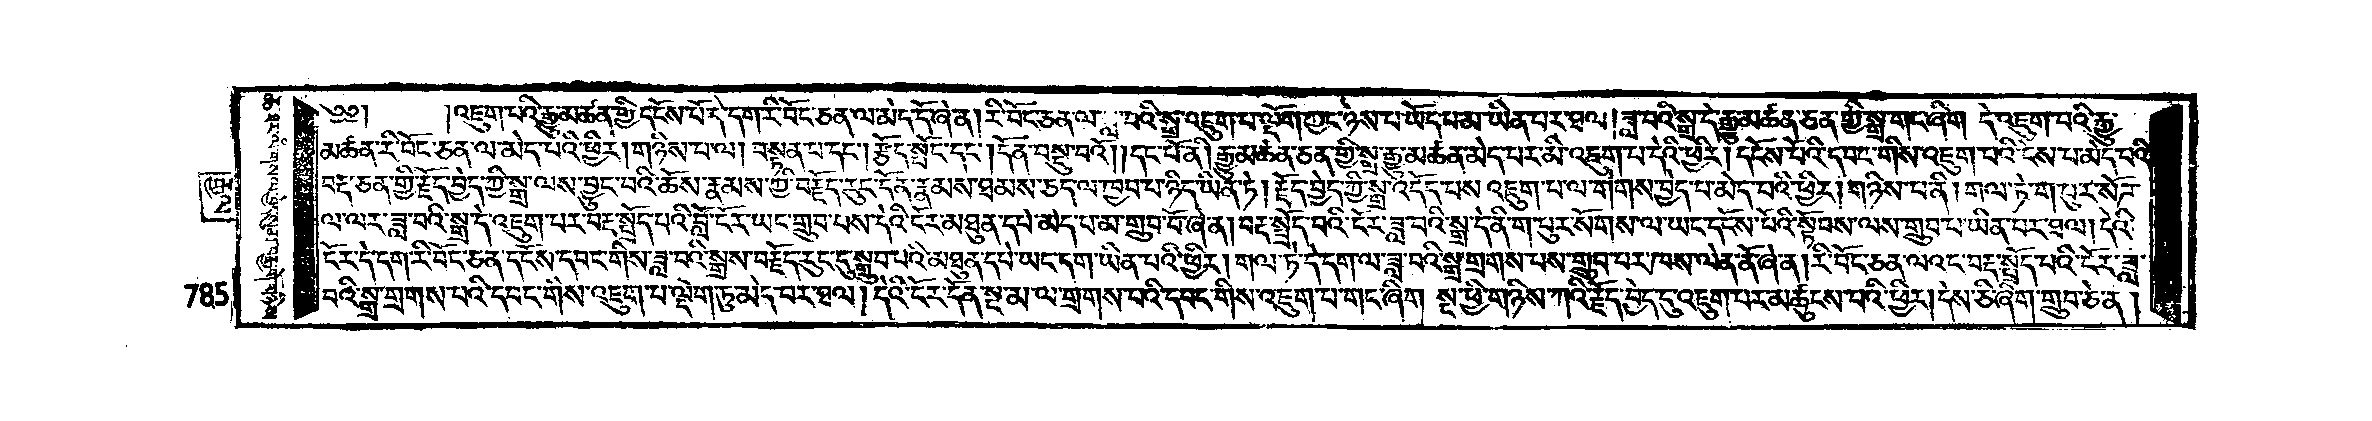༄༅། །འཇུག་པའི་རྒྱུ་མཚན་གྱི་དངོས་པོ་དེ་དག་རི་བོང་ཅན་ལ་མེད་དོ་ཞེ་ན། རི་བོང་ཅན་ལ་ཟླ་བའི་སྒྲ་འཇུག་པ་ལྡོག་ཀྱང་ཉེས་པ་ཡོད་པ་མ་ཡིན་པར་ཐལ། ཟླ་བའི་སྒྲ་དེ་རྒྱུ་མཚན་ཅན་གྱི་སྒྲ་གང་ཞིག་དེ་འཇུག་པའི་རྒྱུ་
མཚན་རི་བོང་ཅན་ལ་མེད་པའི་ཕྱིར། གཉིས་པ་ལ། བསྟན་པ་དང་། རྩོད་སྤོང་དང་། དོན་བསྡུ་བའོ། །དང་པོ་ནི། རྒྱུ་མཚན་ཅན་གྱི་སྒྲ་རྒྱུ་མཚན་མེད་པར་མི་འཇུག་པ་དེའི་ཕྱིར། དངོས་པོའི་དབང་གིས་འཇུག་པའི་ངེས་པ་མེད་པའི་
བརྡ་ཅན་གྱི་རྗོད་བྱེད་ཀྱི་སྒྲ་ལས་བྱུང་བའི་ཆོས་རྣམས་ཀྱི་བརྗོད་རུང་དོན་རྣམས་ཐམས་ཅད་ལ་ཁྱབ་པ་ཉིད་ཡིན་ཏེ། རྗོད་བྱེད་ཀྱི་སྒྲ་འདོད་པས་འཇུག་པ་ལ་གེགས་བྱེད་པ་མེད་པའི་ཕྱིར། གཉིས་པ་ནི། གལ་ཏེ་ག་པུར་སོཌ་
ལ་ལར་ཟླ་བའི་སྒྲ་དེ་འཇུག་པར་བརྡ་སྤྲོད་པའི་བློ་ངོར་ཡང་གྲུབ་པས་དེའི་ངོར་མཐུན་དཔེ་མེད་པ་མ་གྲུབ་བོ་ཞེ་ན། བརྡ་སྤྲོད་པའི་ངོར་ཟླ་བའི་སྒྲ་དེ་ནི་ག་པུར་སོགས་ལ་ཡང་དངོས་པོའི་སྟོབས་ལས་གྲུབ་པ་ཡིན་པར་ཐལ། དེའི་
ངོར་དེ་དག་རི་བོང་ཅན་དངོས་དབང་གིས་ཟླ་བའི་སྒྲས་བརྗོད་རུང་དུ་སྒྲུབ་པའི་མཐུན་དཔེ་ཡང་དག་ཡིན་པའི་ཕྱིར། གལ་ཏེ་དེ་དག་ལ་ཟླ་བའི་སྒྲ་གྲགས་པས་གྲུབ་པར་ཁས་ལེན་ནོ་ཞེ་ན། རི་བོང་ཅན་ལའང་བརྡ་སྤྲོད་པའི་ངོར་ཟླ་
བའི་སྒྲ་གྲགས་པའི་དབང་གིས་འཇུག་པ་ལྡོག་?་ཏུ་མེད་པར་ཐལ། དེའི་ངོར་དོན་སྔ་མ་ལ་གྲགས་པའི་དབང་གིས་འཇུག་པ་གང་ཞིག་སྔ་ཕྱི་གཉིས་ཀའི་རྗོད་བྱེད་དུ་འཇུག་པར་མཚུངས་པའི་ཕྱིར། དེས་ཅི་ཞིག་གྲུབ་ཅེ་ན།